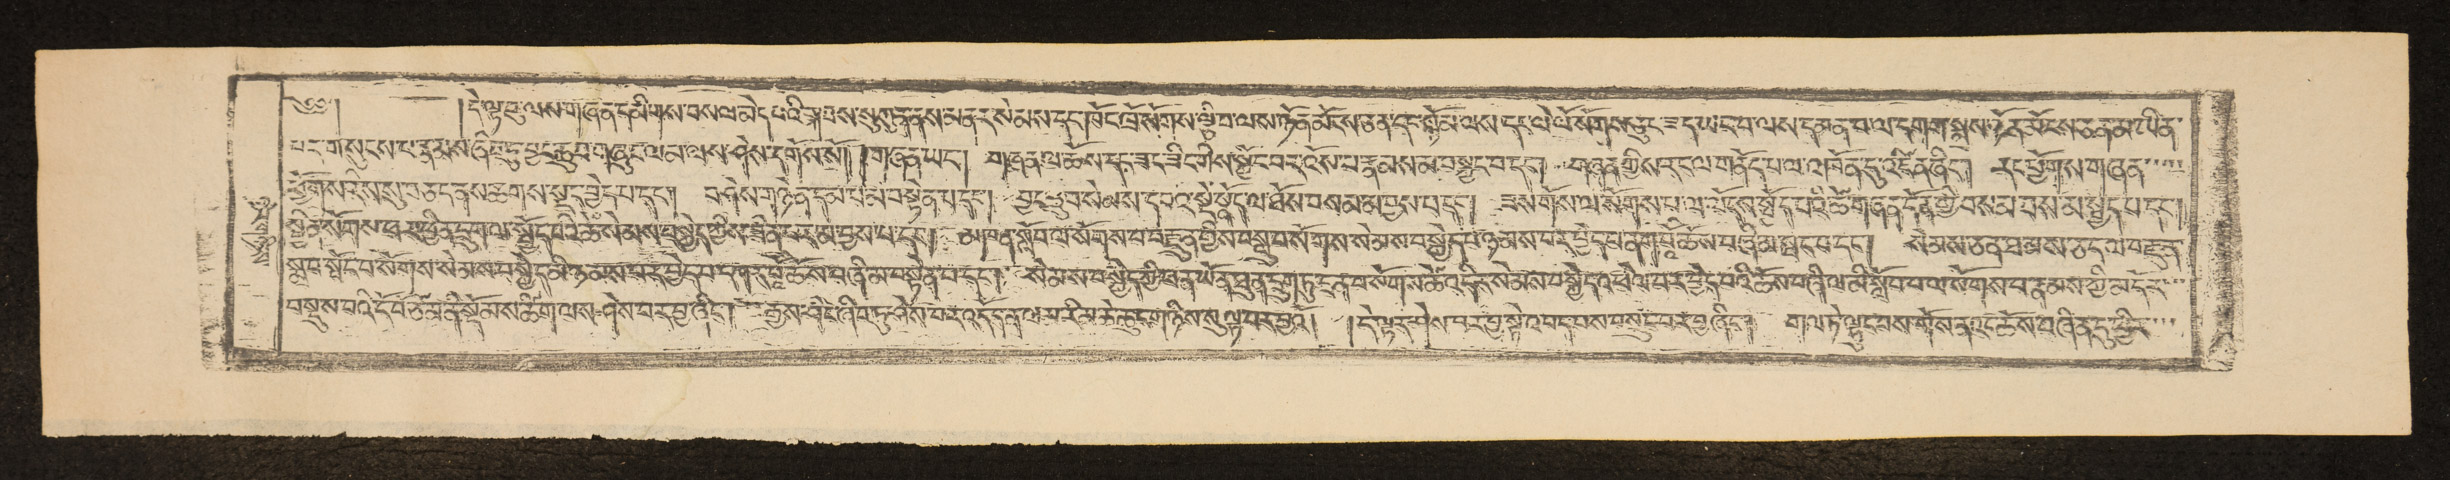༄༅། །དེ་ལྟ་བུ་ལས་གཞན་དམིགས་བསལ་མེད་པའི་སྐབས་སུ་ཀུན་ནས་མནར་སེམས་དང་ཁོང་ཁྲོ་སོགས་ལྕི་བ་ལས་ཉོན་མོངས་ཅན་དང་སྙོམ་ལས་དང་ལེ་ལོ་སོགས་ཅུང་ཟད་ཡང་བ་ལས་དམན་པ་ལ་དགག་སྨྲས་ཉོན་མོངས་ཅན་མ་ཡིན་
པར་གསུངས་པ་རྣམས་ཞིབ་ཏུ་བྱང་ཆུབ་གཞུང་ལམ་ལས་ཤེས་དགོས་སོ། །གཞན་ཡང་། གཞན་ལ་ཆོས་དང་ཟང་ཟིང་གིས་སྐྱོང་བར་འོས་པ་རྣམས་མ་བསྐྱང་བ་དང་། གཞན་གྱིས་རང་ལ་གནོད་པ་ལ་འཁོན་དུ་འཛིན་ཞིང་། རང་ཕྱོགས་གཞན་
ཕྱོགས་རིས་སུ་བཅད་ནས་ཆགས་སྡང་བྱེད་པ་དང་། བཤེས་གཉེན་དམ་པ་མ་བསྟེན་པ་དང་། བྱང་ཆུབ་སེམས་དཔའ་སྡེ་སྣོད་ལ་ཐོས་བསམ་མ་བྱས་པ་དང་། ཟས་གོས་ལ་སོགས་པ་ལ་ལོངས་སྤྱོད་པའི་ཆོ་གཞན་དོན་གྱི་བསམ་པས་མ་སྤྱད་པ་དང་།
སྦྱིན་སོགས་ཕར་ཕྱིན་དྲུག་ལ་སྤྱོད་པའི་ཚེ་སེམས་བསྐྱེད་ཀྱིས་ཟིན་པར་མ་བྱས་པ་དང་། མཁན་སློབ་ལ་སོགས་པ་བརྫུན་གྱིས་བསླུ་བ་སོགས་སེམས་བསྐྱེད་པ་ཉམས་པར་བྱེད་པ་ནག་པོའི་ཆོས་བཞི་མ་སྤང་བ་དང་། སེམས་ཅན་ཐམས་ཅད་ལ་བརྫུན་
སྨྲ་བ་སྤོང་བ་སོགས་སེམས་བསྐྱེད་མི་ཉམས་པར་བྱེད་པ་དཀར་པོ་ཆོས་བཞི་མ་བསྟེན་པ་དང་། སེམས་བསྐྱེད་ཀྱི་ཕན་ཡོན་ཐུན་དྲུག་ཏུ་དྲན་པ་སོགས་ཚེ་འདིར་སེམས་བསྐྱེད་འཕེལ་བར་བྱེད་པའི་ཆོས་བཞི་ལ་མི་སློབ་པ་ལ་སོགས་པ་རྣམས་ཀྱི་མདོར་
བསྡུས་བའི་ངོ་བོ་ཙམ་ནི་སྡོམས་ཚིག་ལས་ཤེས་པར་བྱ་ཞིང་། རྒྱས་ཞིང་ཞིབ་ཏུ་ཤེས་པར་འདོད་ན་ལམ་རིམ་ཆེ་ཆུང་གཉིས་སུ་ལྟ་བར་བྱའོ། །དེ་ལྟར་ཤེས་པར་བྱ་སྟེ་འབད་པས་བསྲུང་བར་བྱ་ཞིང་། གལ་ཏེ་ལྟུང་བས་གོས་ནའང་ཆོས་བཞིན་དུ་ཕྱིར་